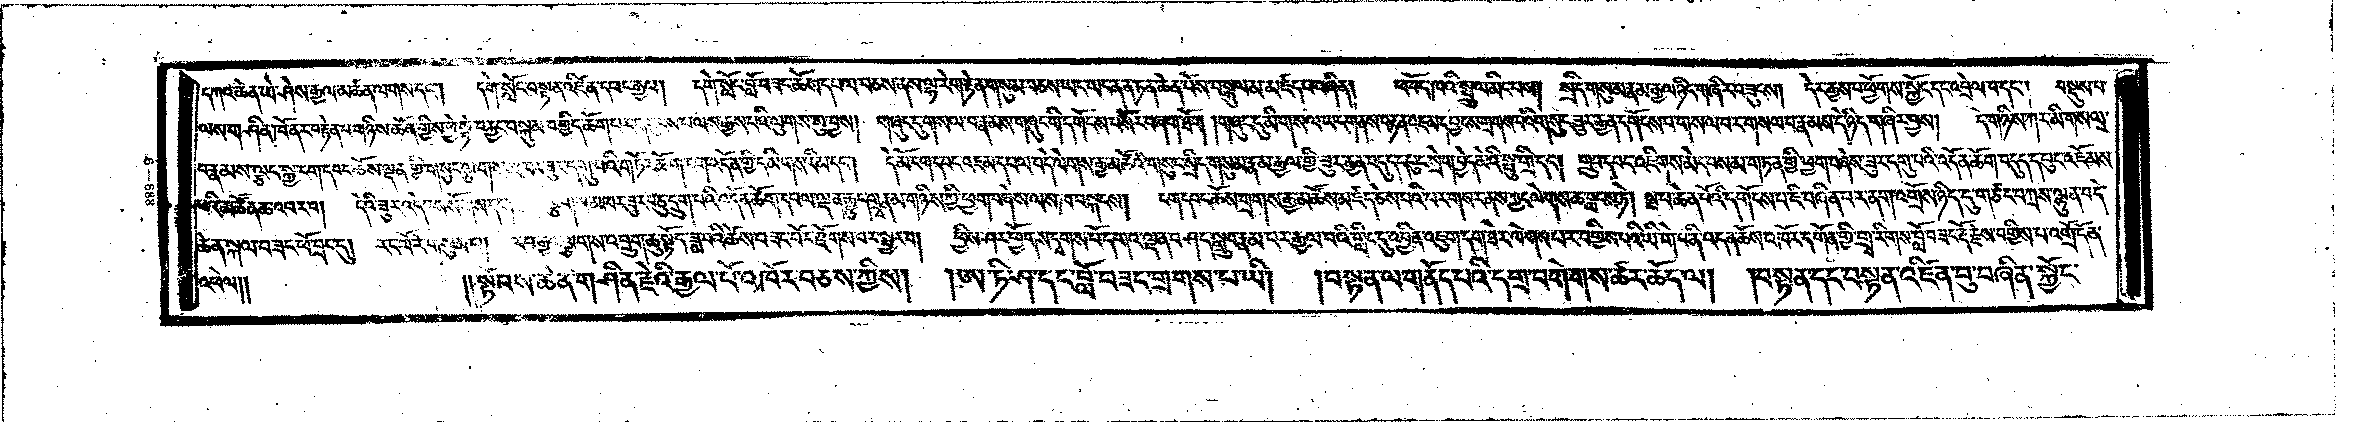དཀའ་ཆེན་ཡེ་ཤེས་རྒྱལ་མཚན་ལགས་དང་། དགེ་སློང་བསྟན་འཛིན་དབང་རྒྱལ། དགེ་སློང་བློ་བཟང་ཆོས་དཔལ་བཅས་ནས་ལྷ་རེག་རྟེན་གསུམ་བཅས་ཡང་ཡང་ནན་ཏན་ཆེན་པོས་བསྐུལ་མ་མཛད་བཞིན། ཕ་བོང་ཁའི་སྤྲུལ་མིང་པས། སྲིད་གསུམ་རྣམ་རྒྱལ་ཉིད་གཞིར་བཟུངས། དེར་རྒྱས་པ་ཕྱོགས་སྐྱོང་དང་འབྲེལ་བ་དང་། བསྡུས་པ་
ལས་གཤིན་ཁོ་ནར་བརྟེན་པ་གཉིས་ཚོན་གྱིས་ཕྱེ་སྟེ་བརྐྱང་བསྐུམ་བགྱིད་ཆོག་པར་གསུངས་པ་ལས་རྒྱས་པའི་ལུགས་སུ་བྱས། གཞུང་དུ་གསལ་བ་རྣམས་གཞུང་གི་དགོངས་པ་སོར་བཞག་ཐོག །གཞུང་དུ་མི་གསལ་ཡང་གནས་བརྟན་འཇམ་དབྱངས་གྲགས་པའི་གསུང་ཟུར་རྒྱན་དགོངས་པ་གསལ་བར་གསལ་བ་རྣམས་དེ་ཉིད་གཞིར་བྱས། དེ་གཉིས་ཀར་མི་གསལ་
བ་རྣམས་ལྕང་སྐྱ་ངག་དབང་ཆོས་ལྡན་གྱི་གསུང་ལྕགས་མཁར་ཟུར་དགུ་པའི་གཏོར་ཆོག་ངག་འདོན་གྱི་དམིགས་རིམ་དང་། དེ་མོ་ངག་དབང་འཇམ་དཔལ་བདེ་ལེགས་རྒྱ་མཚོའི་གསུང་སྲིད་གསུམ་རྣམ་རྒྱལ་གྱི་ཟུར་རྒྱན་འདུད་དཔུང་སྲེག་བྱེད་མེའི་སྤུ་གྲི་དང་། གྲུབ་དབང་འཇིགས་མེད་བསམ་གཏན་གྱི་ཕྱག་བཞེས་ཟུར་དགུ་པའི་འདོན་ཆོག་བདུད་དཔུང་འཇོམས་
པའི་མཚོན་ཆ་འབར་བ། དེའི་ཟུར་འདེབས་སོགས་དང་། ལྕགས་མཁར་ཟུར་བཅུ་དྲུག་པའི་འདོན་ཆོག་དཔལ་ལྡན་རྒྱུད་གྲྭ་རྣམ་གཉིས་ཀྱི་ཕྱག་བཞེས་ལས་ཁ་བསྐངས། ངག་དབང་ཆོས་གྲགས་རྒྱ་མཚོས་མཛད་ཅེས་པའི་པར་གསར་ནས་ཀྱང་ལེགས་ཆ་བླངས་ཏེ། ལྔ་པ་ཆེན་པོའི་དགོངས་པ་ཇི་བཞིན་པར་ནག་འགྲོས་ཉིད་དུ་གཙང་བཀྲས་ལྷུན་བདེ་
ཆེན་སྐལ་བཟང་ཕོ་བྲང་དུ། རང་ལོ་རེ་གསུམ་པ། རབ་རྒྱལ་ལྕགས་འབྲུག་ཆུ་སྟོད་ཟླ་བའི་ཚེས་བཟང་པོར་རྫོགས་པར་སྦྱར་བ། ཕྱིས་ཤར་ཕྱོགས་དྭགས་པོ་དགའ་ལྡན་བཤད་སྒྲུབ་རྣམ་པར་རྒྱལ་བའི་གླིང་དུ་འབྱིན་འཇུག་དག་ཐེར་ལེགས་པར་བགྱིས་པའི་ཡི་གེ་པ་ནི་འདན་ཆོས་འཁོར་དགོན་གྱི་གྲྭ་རིགས་བློ་བཟང་རྡོ་རྗེ་བགྱིས་པ་འགྲོ་དོན་
འཕེལ།། །།སྟོབས་ཆེན་གཤིན་རྗེའི་རྒྱལ་པོ་འཁོར་བཅས་ཀྱིས། །ཨ་ཏི་ཤ་དང་བློ་བཟང་གྲགས་པ་ཡི། །བསྟན་ལ་གནོད་པའི་དགྲ་བགེགས་ཚར་ཆོད་ལ། །བསྟན་དང་བསྟན་འཛིན་བུ་བཞིན་སྐྱོང་